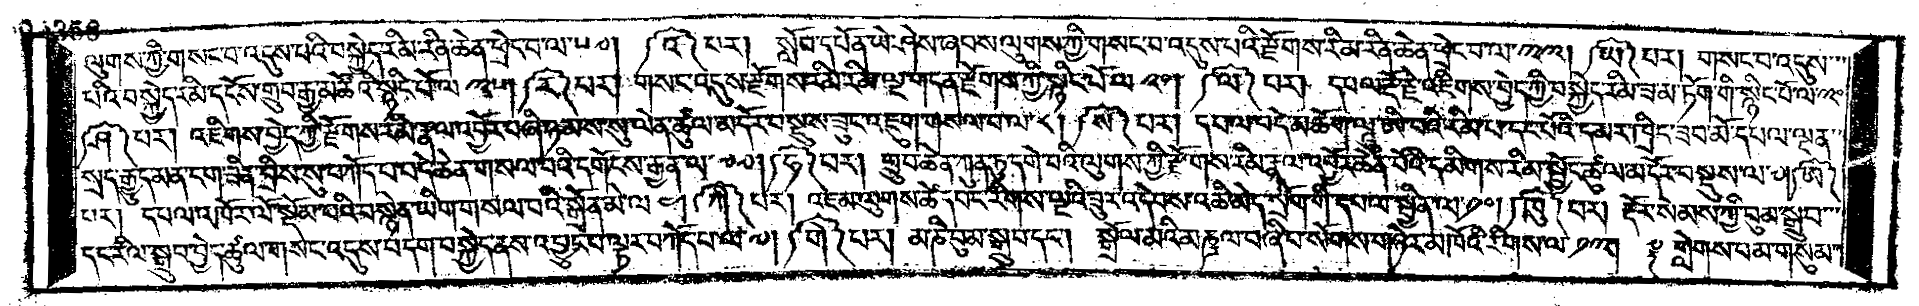ལུགས་ཀྱི་གསང་བ་འདུས་པའི་བསྐྱེད་རིམ་རིན་ཆེན་ཕྲེང་བ་ལ ༧། ༼འ༽ པར། སློབ་དཔོན་ཡེ་ཤེས་ཞབས་ལུགས་ཀྱི་གསང་བ་འདུས་པའི་རྫོགས་རིམ་རིན་ཆེན་ཕྲེང་བ་ལ ༣༣། ༼ཡ༽ པར། གསང་བ་འདུས་
པའི་བསྐྱེད་རིམ་དངོས་གྲུབ་རྒྱ་མཚོའི་སྙིང་པོ་ལ ༣༥། ༼ར༽ པར། གསང་འདུས་རྫོགས་རིམ་རིམ་ལྔ་གདན་རྫོགས་ཀྱི་སྙིང་པོ་ལ ༢༠། ༼ལ༽ པར། དཔལ་རྡོ་རྗེ་འཇིགས་བྱེད་ཀྱི་བསྐྱེད་རིམ་ཟ་མ་ཏོག་གི་སྙིང་པོ་ལ ༣༠
༼ཤ༽ པར། འཇིགས་བྱེད་ཀྱི་རྫོགས་རིམ་རྣལ་འབྱོར་བཞི་ཉམས་སུ་ལེན་ཚུལ་མདོར་བསྡུས་ཟུང་འཇུག་གསལ་བ་ལ ༨། ༼ས༽ པར། དཔལ་བདེ་མཆོག་ལཱུ་ཨི་བའི་རིམ་པ་དང་པོའི་དམར་ཁྲིད་ཟབ་མོ་དཔལ་ལྡན་
སྲད་རྒྱུད་མན་ངག་ཟིན་བྲིས་སུ་བཀོད་པ་བདེ་ཆེན་གསལ་བའི་དགོངས་རྒྱན་ལ ༧༧། ༼ཧ༽ པར། གྲུབ་ཆེན་ཀུན་ཏུ་དགེ་བའི་ལུགས་ཀྱི་རྫོགས་རིམ་རྣལ་འབྱོར་ཆེན་པོའི་དམིགས་རིམ་སྦྱོང་ཚུལ་མདོར་བསྡུས་ལ ༧། ༼ཨ༽
པར། དཔལ་འཁོར་ལོ་སྡོམ་པའི་བསྙེན་ཡིག་གསལ་བའི་སྒྲོན་མེ་ལ ༤། ༼ཀི༽ བར། འཇམ་ལུགས་ཚེ་དབང་རིགས་ལྔའི་ཟུར་འདེབས་འཆི་མེད་སྲོག་གི་དཔལ་སྦྱིན་ལ ༡༠། ༼ཁུ༽ པར། རྡོར་སེམས་ཀྱི་བུམ་སྒྲུབ་
དང་རིལ་སྒྲུབ་བྱེད་ཚུལ་གསང་འདུས་བདག་བསྐྱེད་ནས་འབྱུང་བ་ལྟར་བཀོད་པ་ལ ༧། ༼གེ༽ པར། མ་ཎི་བུམ་སྒྲུབ་དང་། སྒྲོལ་མའི་མཎྜལ་བཞི་པ་སོགས་གཉེར་མཁོའི་རིགས་ལ ༡༣། ༈ གླེགས་བམ་གསུམ་